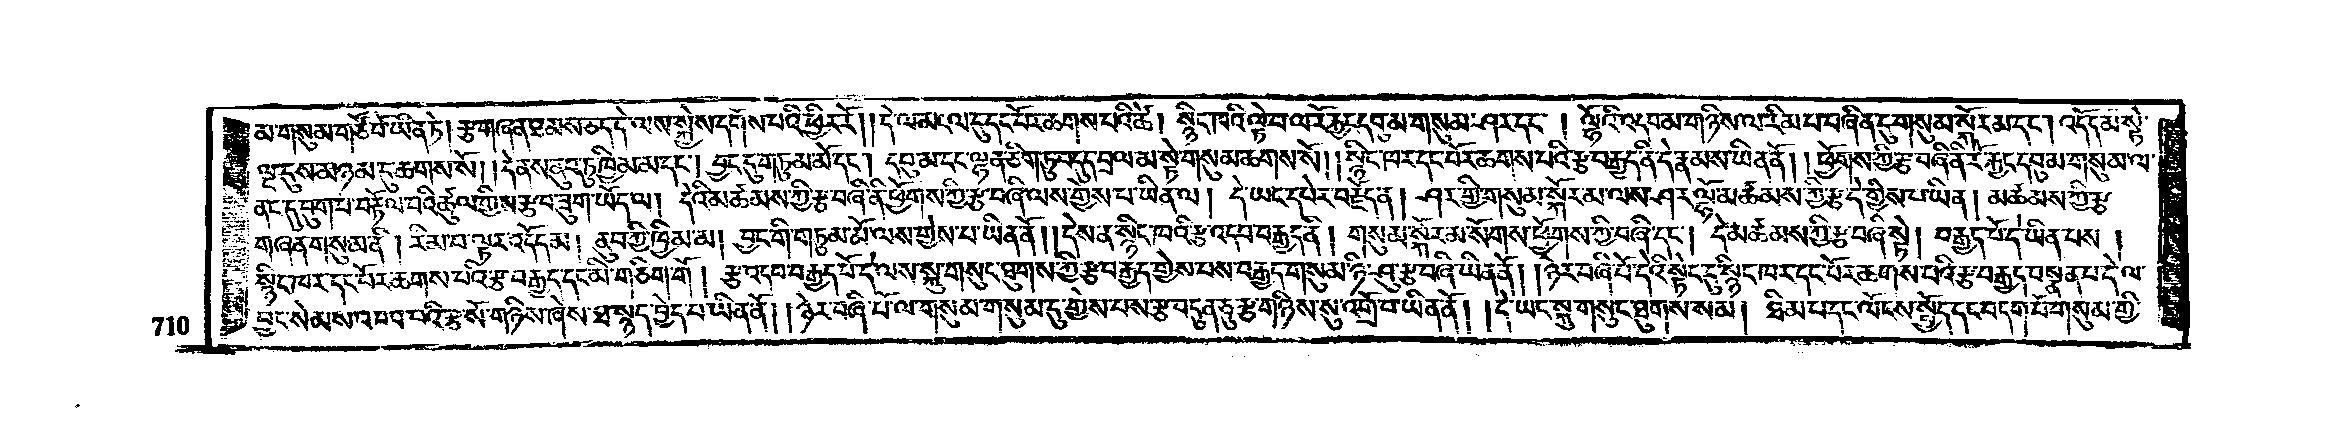མ་གསུམ་གཙོ་བོ་ཡིན་ཏེ། རྩ་གཞན་ཐམས་ཅད་དེ་ལས་སྐྱེས་དགོས་པའི་ཕྱིར་རོ། །དེ་ལ་མངལ་དུ་དང་པོར་ཆགས་པའི་ཚེ། སྙིང་ཁའི་ལྟེ་བ་ལ་རོ་རྐྱང་དབུ་མ་གསུམ་ཤར་དང་། ལྷོའི་འདབ་མ་གཉིས་ལ་རིམ་པ་བཞིན་དུ་གསུམ་སྐོར་མ་དང་། འདོད་མ་སྟེ་
ལྔ་དུས་མཉམ་དུ་ཆགས་སོ། །དེ་ནས་ནུབ་ཏུ་ཁྱིམ་མ་དང་། བྱང་དུ་གཏུམ་མོ་དང་། དབུ་མ་དང་ལྷན་ཅིག་ཏུ་བདུད་བྲལ་མ་སྟེ་གསུམ་ཆགས་སོ། །སྙིང་ཁར་དང་པོར་ཆགས་པའི་རྩ་བརྒྱད་ནི་དེ་རྣམས་ཡིན་ནོ། །ཕྱོགས་ཀྱི་རྩ་བཞི་ནི་རོ་རྐྱང་དབུ་མ་གསུམ་ལ་
ནང་དུ་བུག་པ་བརྟོལ་བའི་ཚུལ་གྱིས་རྩ་བ་ཟུག་ཡོད་ལ། དེའི་མཚམས་ཀྱི་རྩ་བཞི་ནི་ཕྱོགས་ཀྱི་རྩ་བཞི་ལས་གྱེས་པ་ཡིན་ལ། དེ་ཡང་དཔེར་བརྗོད་ན། ཤར་གྱི་གསུམ་སྐོར་མ་ལས་ཤར་ལྷོ་མཚམས་ཀྱི་རྩ་དེ་གྱེས་པ་ཡིན། མཚམས་ཀྱི་རྩ་
གཞན་གསུམ་ནི། རིམ་པ་ལྟར་འདོད་མ། ནུབ་ཀྱི་ཁྱིམ་མ། བྱང་གི་གཏུམ་མོ་ལས་གྱེས་པ་ཡིན་ནོ། །དེས་ན་སྙིང་ཁའི་རྩ་འདབ་བརྒྱད་ནི། གསུམ་སྐོར་མ་སོགས་ཕྱོགས་ཀྱི་བཞི་དང་། དེ་མཚམས་ཀྱི་རྩ་བཞི་སྟེ། བརྒྱད་པོ་དེ་ཡིན་པས།
སྙིང་ཁར་དང་པོར་ཆགས་པའི་རྩ་བརྒྱད་དང་མི་གཅིག་གོ །རྩ་འདབ་བརྒྱད་པོ་དེ་ལས་སྐུ་གསུང་ཐུགས་ཀྱི་རྩ་བརྒྱད་གྱེས་པས་བརྒྱད་གསུམ་ཉི་ཤུ་རྩ་བཞི་ཡིན་ནོ། །ཉེར་བཞི་པོ་དེའི་སྟེང་དུ་སྙིང་ཁར་དང་པོར་ཆགས་པའི་རྩ་བརྒྱད་བསྣན་པ་དེ་ལ་
བྱང་སེམས་འབབ་པའི་རྩ་སོ་གཉིས་ཞེས་ཐ་སྙད་བྱེད་པ་ཡིན་ནོ། །ཉེར་བཞི་པོ་ལ་གསུམ་གསུམ་དུ་གྱེས་པས་རྩ་བདུན་ཅུ་རྩ་གཉིས་སུ་འགྲོ་བ་ཡིན་ནོ། །དེ་ཡང་སྐུ་གསུང་ཐུགས་སམ། ཐིམ་པ་དང་ལོངས་སྤྱོད་དང་བདག་པོ་གསུམ་གྱི་